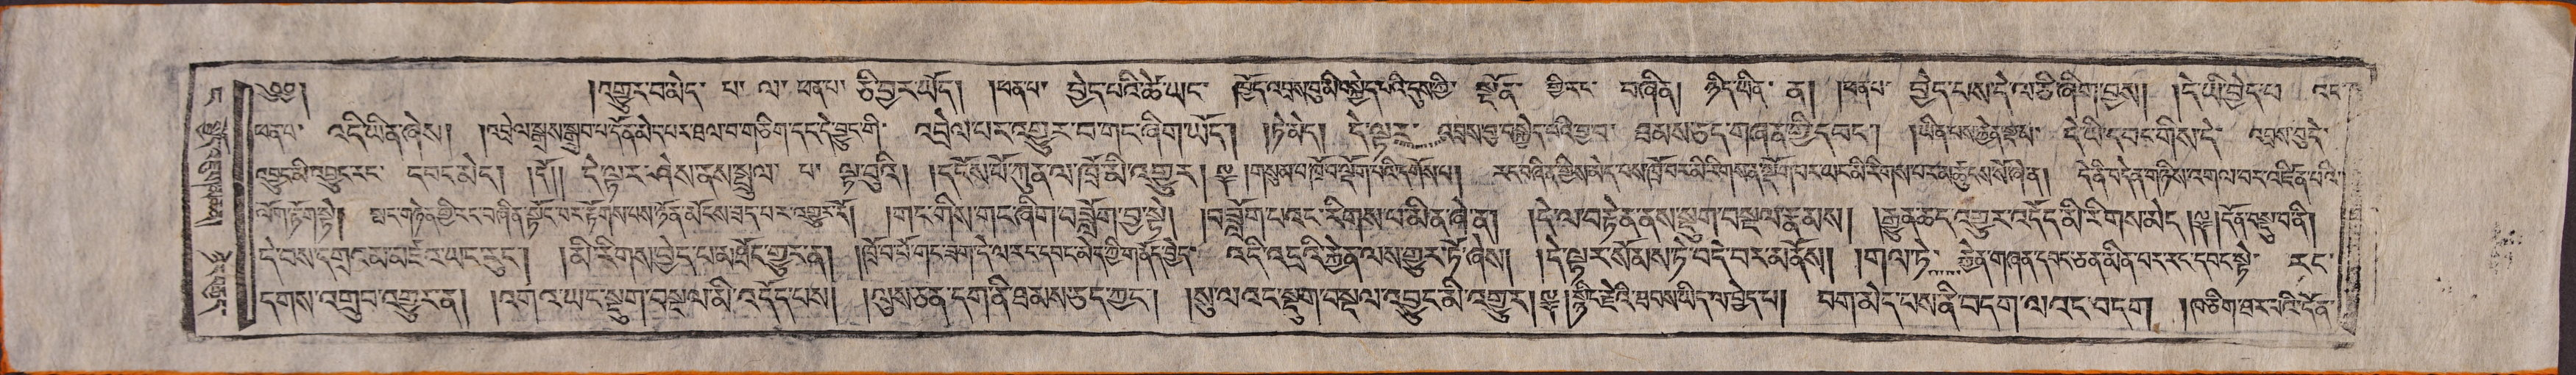༄༅། །འགྱུར་བ་མེད་པ་ལ་ཕན་པ་ཅི་བྱར་ཡོད། །ཕན་པ་བྱེད་པའི་ཚེ་ཡང་ཁྱོད་འབྲས་བུ་མི་བསྐྱེད་པའི་དུས་ཀྱི་སྔོན་ཕྱི་རང་བཞིན་ཉིད་ཡིན་ན། །ཕན་པ་བྱེད་པས་དེ་ལ་ཅི་ཞིག་བྱས། །དེ་ཡི་བྱེད་པ་འང་
ཕན་བ་འདི་ཡིན་ཞེས། །འབྲེལ་སྒྲས་སྒྲུབ་པ་དོན་མེད་པར་ཐལ་བ་གཅིག་དང་དེ་བྱུང་གི་འབྲེལ་པར་འགྱུར་བ་གང་ཞིག་ཡོད། །ཏེ་མེད། དེ་ལྟར་འབྲས་བུ་བསྐྱེད་པའི་བྱ་བ་ཐམས་ཅད་གཞན་གྱི་དབང་། །ཡིན་པས་རྐྱེན་སྔམ་དེ་ཡི་དབང་གིས་དེ་འབྲས་བུ་དེ་
འབྱུང་མི་འབྱུང་རང་དབང་མེད། །དོ།། དེ་ལྟར་ཤེས་ནས་སྤྲུལ་པ་ལྟ་བུའི། །དངོས་པོ་ཀུན་ལ་ཁྲོ་མི་འགྱུར། ༈ །གསུམ་པ་ཁྲོ་བ་ལྡོག་པའི་དགོས་པ། རང་བཞིན་གྱིས་མེད་པས་ཁྲོ་བར་མི་རིགས་ན་ལྡོག་པར་ཡང་མི་རིགས་པར་མཚུངས་ཟོ་ཞེ་ན། དེ་ནི་བདེན་གཉིས་འགལ་བར་འཛིན་པའི་
ལོག་རྟོག་སྟེ། སྤང་གཉེན་གྱི་རང་བཞིན་སྟོང་བར་རྟོགས་པས་ཉོན་མོངས་ཟད་པར་འགྱུར་རོ། །གང་གིས་གང་ཞིག་བཟློག་བྱ་སྟེ། །བཟློག་པའང་རིགས་པ་མིན་ཞེ་ན། །དེ་ལ་བརྟེན་ནས་སྡུག་བསྔལ་རྣམས། །རྒྱུན་ཆད་འགྱུར་འདོད་མི་རིགས་མེད། ༈ །དོན་བསྡུ་བ་ནི།
དེ་བས་དགྲའམ་མཛའ་ཡང་རུང་། །མི་རིགས་བྱེད་པ་མཐོང་གྱུར་ན། །ཁྲོ་བ་པོ་གང་ཟག་དེ་ལ་རང་དབང་མེད་ཀྱི་གནོད་བྱེད་འདི་འདྲའི་རྐྱེན་ལས་གྱུར་ཏོ་ཞེས། །དེ་ལྟར་སོམས་ཏེ་བདེ་བར་མནོས། །གལ་ཏེ་རྐྱེན་གཞན་དབང་ཅན་མིན་པར་རང་དབང་སྟེ་རང་
དགས་འགྲུབ་འགྱུར་ན། །འགའ་ཡང་སྡུག་བསྔལ་མི་འདོད་པས། །ལུས་ཅན་དག་ནི་ཐམས་ཅད་ཀྱང་། །སུ་ལའང་སྡུག་བསྔལ་འབྱུང་མི་འགྱུར། ༈ །སྙིང་རྗེའི་ཐབས་ཡིད་ལ་བྱེད་པ། བག་མེད་པས་ནི་བདག་ལའང་བདག །ཁ་ཅིག་ཐར་པའི་དོན་